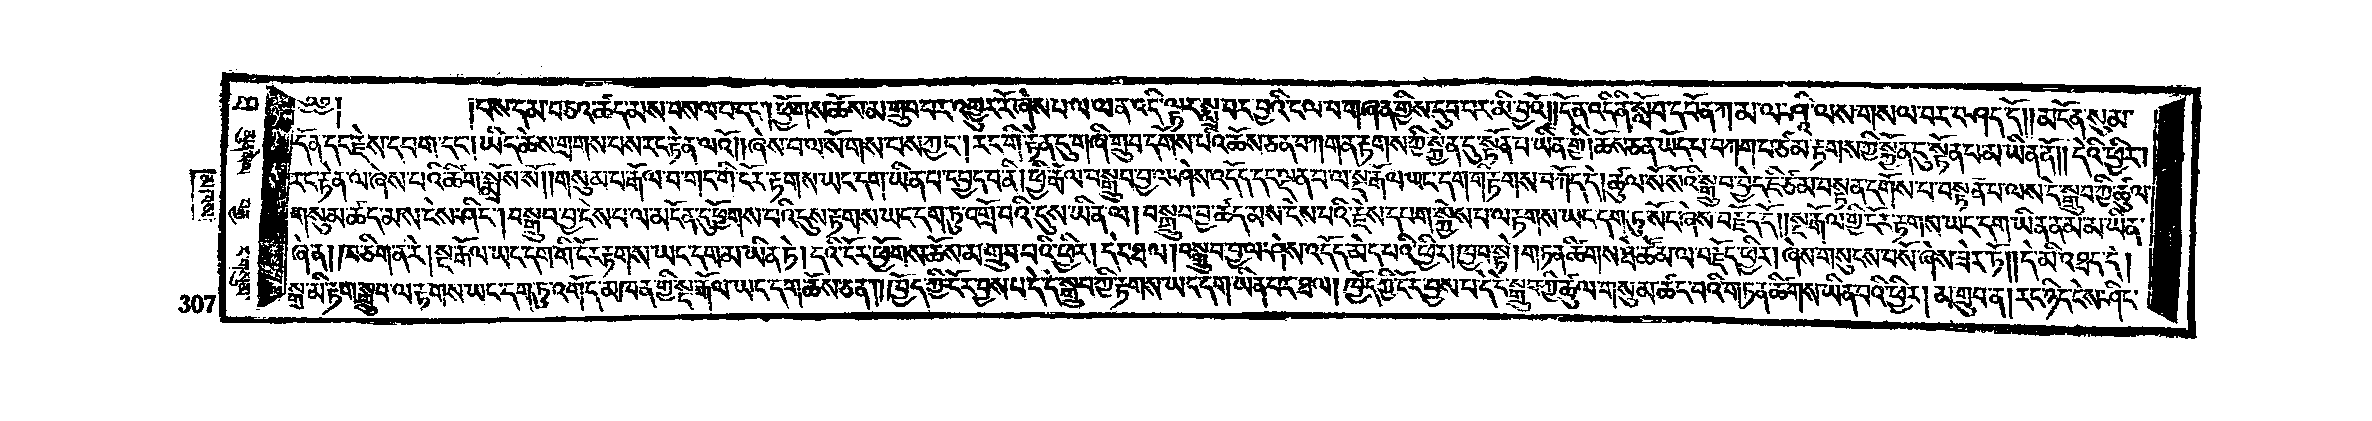༄༅། །པས་དམ་བཅའ་ཚད་མས་བསལ་བ་དང་། ཕྱོགས་ཆོས་མ་གྲུབ་པར་འགྱུར་རོ་ཞེས་པ་ལ་ལན་འདི་ལྟར་སྨྲ་བར་བྱའི་ངལ་བ་གཞན་གྱིས་དུབ་པར་མི་བྱའོ། །དོན་འདི་ནི་སློབ་དཔོན་ཀ་མ་ལ་ཤཱི་ལས་གསལ་བར་བཤད་དོ། །མངོན་སུམ་
དོན་དང་རྗེས་དཔག་དང་། ཡིད་ཆེས་གྲགས་པས་རང་རྟེན་ལའོ། །ཞེས་པ་ལ་སོགས་པས་ཀྱང་། རང་གི་རྟེན་དུ་གཞི་གྲུབ་དགོས་པའི་ཆོས་ཅན་བཀག་ན་རྟགས་ཀྱི་སྐྱོན་དུ་སྟོན་པ་ཡིན་གྱི། ཆོས་ཅན་ཡོད་པ་བཀག་པ་ཙམ་རྟགས་ཀྱི་སྐྱོན་དུ་སྟོན་པ་མ་ཡིན་ནོ། །དེའི་ཕྱིར།
རང་རྟེན་ལ་ཞེས་པའི་ཚིག་སྨྲོས་སོ། །གསུམ་པ་རྒོལ་བ་གང་གི་ངོར་རྟགས་ཡང་དག་ཡིན་པ་དཔྱད་པ་ནི། ཕྱི་རྒོལ་བསྒྲུབ་བྱ་ལ་ཤེས་འདོད་དང་ལྡན་པ་ལ་སྔ་རྒོལ་ཡང་དག་གི་རྟགས་བཀོད་དེ། ཚུལ་སོ་སོའི་སྒྲུབ་བྱེད་ཇི་ཙམ་བསྟན་དགོས་པ་བསྟན་པ་ལས་དེ་སྒྲུབ་ཀྱི་ཚུལ་
གསུམ་ཚད་མས་ངེས་ཤིང་། བསྒྲུབ་བྱ་ངེས་པ་ལ་མངོན་དུ་ཕྱོགས་པའི་དུས་རྟགས་ཡང་དག་ཏུ་འགྲོ་བའི་དུས་ཡིན་ལ། བསྒྲུབ་བྱ་ཚད་མས་ངེས་པའི་རྗེས་དཔག་སྐྱེས་པ་ལ་རྟགས་ཡང་དག་ཏུ་སོང་ཞེས་བརྗོད་དོ། །སྔ་རྒོལ་གྱི་དོར་རྟགས་ཡང་དག་ཡིན་ནམ་མ་ཡིན་
ཞེ་ན། ཁ་ཅིག་ན་རེ། སྔ་རྒོལ་ཡང་དག་གི་ངོར་རྟགས་ཡང་དག་མ་ཡིན་ཏེ། དེའི་ངོར་ཕྱོགས་ཆོས་མ་གྲུབ་པའི་ཕྱིར། དེར་ཐལ། བསྒྲུབ་བྱ་ལ་ཤེས་འདོད་མེད་པའི་ཕྱིར། ཁྱབ་སྟེ། གཏན་ཚིགས་ཐེ་ཚོམ་ལ་བརྗོད་ཕྱིར། ཞེས་གསུངས་པས་སོ་ཞེས་ཟེར་ཏོ། །དེ་མི་འཐད་དེ།
སྒྲ་མི་རྟག་སྒྲུབ་ལ་རྟགས་ཡང་དག་ཏུ་འགོད་མཁན་གྱི་སྔ་རྒོལ་ཡང་དག་ཆོས་ཅན། །ཁྱོད་ཀྱི་ངོར་བྱས་པ་དེ་དེ་སྒྲུབ་ཀྱི་རྟགས་ཡང་དག་ཡིན་པར་ཐལ། ཁྱོད་ཀྱི་ངོར་བྱས་པ་དེ་དེ་སྒྲུབ་ཀྱི་ཚུལ་གསུམ་ཚང་བའི་གཏན་ཚིགས་ཡིན་པའི་ཕྱིར། མ་གྲུབ་ན། རང་ཉིད་ངེས་ཤིང་